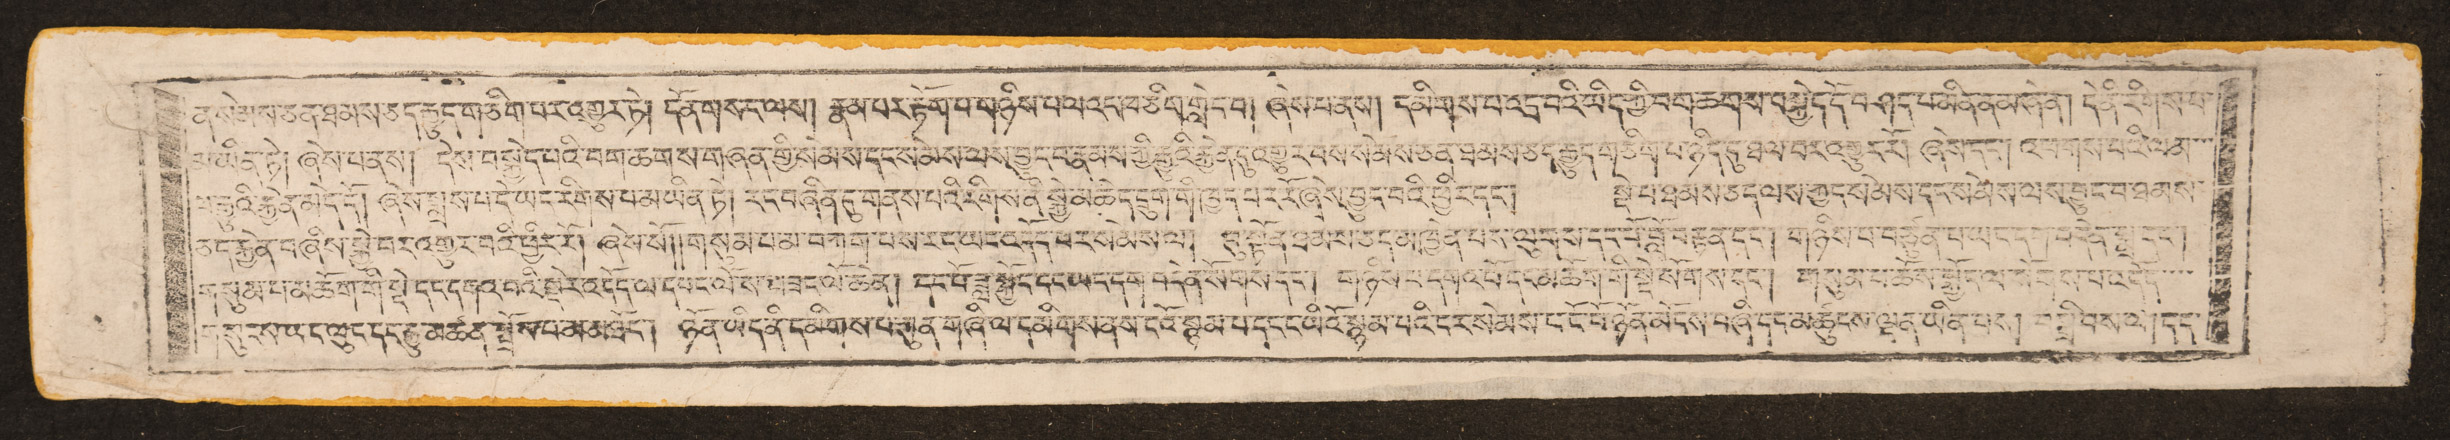ན་སེམས་ཅན་ཐམས་ཅད་རྒྱུད་གཅིག་པར་འགྱུར་ཏེ། དོན་གསང་ལས། རྣམ་པར་རྟོག་པ་གཉིས་པ་ལའང་ཁ་ཅིག་གླེང་བ། ཞེས་པ་ནས། དམིགས་པ་འདྲ་བའི་ཡིད་ཀྱི་བག་ཆགས་བསྐྱེད་དོ་བཤད་པ་མིན་ནམ་ཞེ་ན། དེ་ནི་རིགས་པ་
མ་ཡིན་ཏེ། ཞེས་པ་ནས། དེས་བསྐྱེད་པའི་བག་ཆགས་གཞན་གྱི་སེམས་དང་སེམས་ལས་བྱུང་བ་རྣམས་ཀྱི་རྒྱུའི་རྐྱེན་དུ་འགྱུར་བས་སེམས་ཅན་ཐམས་ཅད་རྒྱུད་གཅིག་པ་ཉིད་དུ་ཐལ་བར་འགྱུར་རོ། ཞེས་དང་། འཕགས་པའི་ལམ་
ལ་རྒྱུའི་རྐྱེན་མེད་དོ། ཞེས་སྨྲས་པ་དེ་ཡང་རིགས་པ་མ་ཡིན་ཏེ། རང་བཞིན་དུ་གནས་པའི་རིགས་ནི་སྐྱེ་མཆེད་དྲུག་གི་ཁྱད་པར་རོ་ཞེས་བྱུང་བའི་ཕྱིར་དང་། སྡེ་པ་ཐམས་ཅད་ལས་ཀྱང་སེམས་དང་སེམས་ལས་བྱུང་བ་ཐམས་
ཅད་རྐྱེན་བཞིས་སྐྱེ་བར་འགྱུར་བའི་ཕྱིར་རོ། ཞེས་སོ། །གསུམ་པ་མ་བཀག་པས་རང་ཡང་འདོད་པར་སེམས་ལ། བུ་སྟོན་ཐམས་ཅད་མཁྱེན་པས་ལུགས་དང་པོ་བློ་བརྟན་དང་། གཉིས་པ་བཙུན་པ་ཡང་དག་བདེན་སྨྲ་དང་།
གསུམ་པ་མཆོག་གི་སྡེ་དང་དགའ་བའི་སྡེར་འདོད་ལ་དཔང་ལོ་ས་བཟའ་ལོ་ཆེན། དང་པོ་ཟླ་སྐྱོང་དང་ཡང་དག་བདེན་སོགས་དང་། གཉིས་པ་དགའ་པོ་དང་མཆོག་གི་སྡེ་སོགས་དང་། གསུམ་པ་ཆོས་སྐྱོང་ལ་སོགས་པ་འདོད་
གསུངས་ཡང་ལུང་དང་རྒྱུ་མཚན་སྤྲོས་པ་མ་མཐོང་། ཉོན་ཡིད་ནི་དམིགས་པ་ཀུན་གཞི་ལ་དམིགས་ནས་ངའོ་སྙམ་པ་དང་ང་ཡིའོ་སྙམ་པའི་ངར་སེམས་པ་ངོ་བོ་ཉོན་མོངས་བཞི་དང་མཚུངས་ལྡན་ཡིན་པས། བསྒྲིབས་ལ། དད་